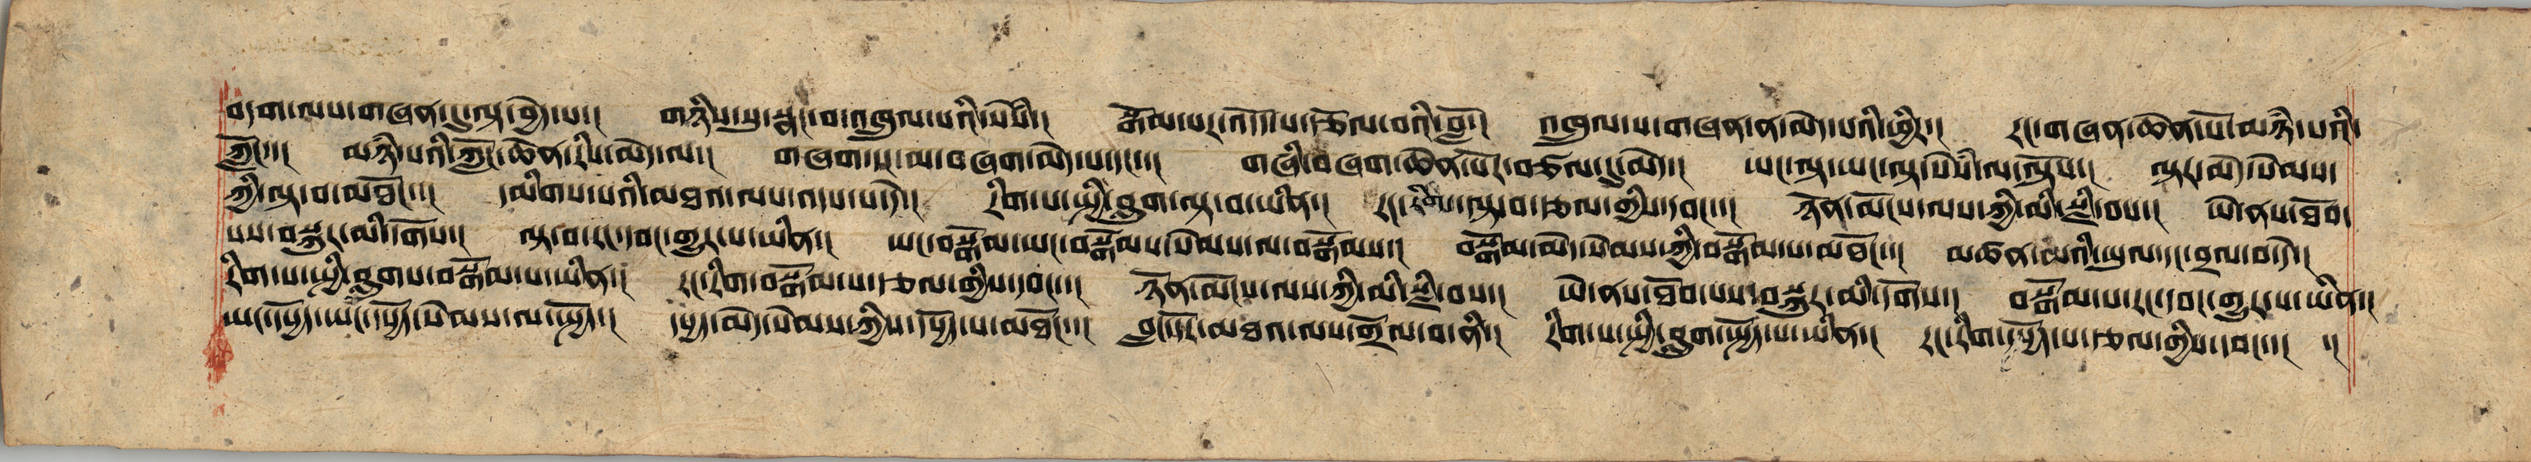བདག་ལས་གཞན་དུ་ལྟ་བྱེད་པ་། གཉིས་སུ་སྣང་བ་འཁྲུལ་པའི་སེཾས་། སྒོམ་པར་འདོད་པ་རྩོལ་བའི་བློ་། འཁྲུལ་པ་གཞན་ན་མེད་པའི་ཕྱིར་། རང་གཞན་ཆེན་པོ་གཉཾ་པའི་
ཀློང་་། མཉཾ་པའི་ཀློང་ཆེན་རིས་མེད་ལ་། གཞག་དང་མ་བཞག་མེད་པ་དདང་་། གཞི་བཞག་ཆེན་པར་བཙལ་དུ་མེད་། ཡང་ལྟ་ཡང་ལྟ་སེཾས་ལ་ལྟོས་། ལྟར་མེད་སེམས་
ཀྱི་ལྟ་བ་མཐོང་་། དམིགས་པའི་མཐའ་ལས་འདས་པ་དེ་། རིག་པ་སྤྱི་བླུག་ལྟ་བ་ཡིན་། རང་རིག་ལྟ་བ་རྩལ་གྱིས་དབང་་། ཉོན་མོངས་ལས་ཀྱི་མི་སྫི་བས་། ཡེ་ནས་ཐོབ་
པས་བསྐུར་མི་དགོས་། ལྟ་བ་རང་དབང་གྱུར་པ་ཡིན་། ཡང་བསྒོམ་ཡང་བསྒོམས་སེམས་ལ་བསྒོམས་། བསྒོམ་མེད་སེམས་ཀྱི་བསྒོམ་པ་མཐོང་་། མཚན་མའི་ཡུལ་དང་བྲལ་བ་དེ་།
རིག་པ་སྤྱི་བླུགས་བསྒོམ་པ་ཡིན་། རང་རིག་བསྒོམ་པ་རྩལ་གྱིས་དབང་་། ཉོན་མོངས་ལས་ཀྱི་མི་སྫི་བས་། ཡེ་ནས་ཐོབ་པས་བསྐུར་མི་དགོས་། བསྒོམ་པ་རང་དབང་གྱུར་པ་ཡིན་།
ཡང་དཔྱོད་ཡང་དཔྱོད་སེམས་ལ་སྤྱོད་། དཔྱད་མེད་སེམས་ཀྱིས་དཔྱོད་པ་མཐོང་་། བླང་དོར་མཐའ་ལས་གྲོལ་བ་ནི་། རིག་པ་སྤྱི་བླུག་སྤྱོད་པ་ཡིན་། རང་རིག་སྤྱོད་པ་རྩལ་གྱིས་དབང་་།